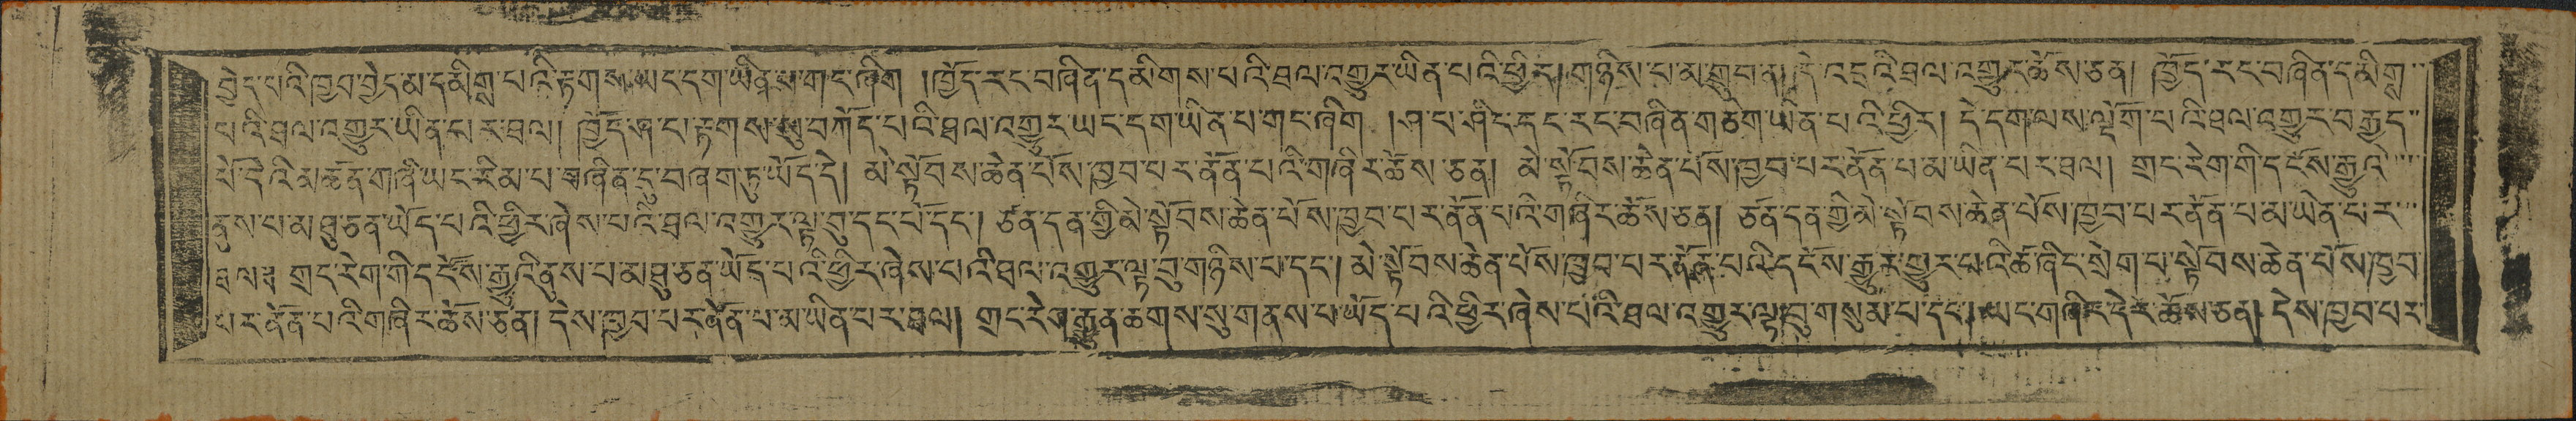བྱེད་པའི་ཁྱབ་བྱེད་མ་དམིགས་པའི་རྟགས་ཡང་དག་ཡིན་པ་གང་ཞིག །ཁྱོད་རང་བཞིན་དམིགས་པའི་ཐལ་འགྱུར་ཡིན་པའི་ཕྱིར། གཉིས་པ་མ་གྲུབ་ན། དེ་འདྲའི་ཐལ་འགྱུར་ཆོས་ཅན། ཁྱོད་རང་བཞིན་དམིགས་
པའི་ཐལ་འགྱུར་ཡིན་པར་ཐལ། ཁྱོད་ཤ་པ་རྟགས་སུ་བཀོད་པའི་ཐལ་འགྱུར་ཡང་དག་ཡིན་པ་གང་ཞིག །ཤ་པ་ཤིང་དང་རང་བཞིན་གཅིག་ཡིན་པའི་ཕྱིར། དེ་དག་ལས་ལྡོག་པའི་ཐལ་འགྱུར་བརྒྱད་
པོ་དེའི་མཚན་གཞི་ཡང་རིམ་པ་བཞིན་དུ་བཞག་ཏུ་ཡོད་དེ། མེ་སྟོབས་ཆེན་པོས་ཁྱབ་པར་ནོན་པའི་གཞིར་ཆོས་ཅན། མེ་སྟོབས་ཆེན་པོས་ཁྱབ་པར་ནོན་པ་མ་ཡིན་པར་ཐལ། གྲང་རེག་གི་དངོས་རྒྱུའི་
ནུས་པ་མཐུ་ཅན་ཡོད་པའི་ཕྱིར་ཞེས་པའི་ཐལ་འགྱུར་ལྟ་བུ་དང་པོ་དང་། ཙན་དན་གྱི་མེ་སྟོབས་ཆེན་པོས་ཁྱབ་པར་ནོན་པའི་གཞིར་ཆོས་ཅན། ཙན་དན་གྱི་མེ་སྟོབས་ཆེན་པོས་ཁྱབ་པར་ནོན་པ་མ་ཡིན་པར་
ཐལ༑ གྲང་རེག་གི་དངོས་རྒྱུའི་ནུས་པ་མཐུ་ཅན་ཡོད་པའི་ཕྱིར་ཞེས་པའི་ཐལ་འགྱུར་ལྟ་བུ་གཉིས་པ་དང་། མེ་སྟོབས་ཆེན་པོས་ཁྱབ་པར་ནོན་པའི་དངོས་རྒྱུར་གྱུར་པའི་ཚ་ཞིང་སྲེག་པ་སྟོབས་ཆེན་པོས་ཁྱབ་
པར་ནོན་པའི་གཞིར་ཆོས་ཅན། དེས་ཁྱབ་པར་ནོན་པ་མ་ཡིན་པར་ཐལ། གྲང་རེག་རྒྱུན་ཆགས་སུ་གནས་པ་ཡོད་པའི་ཕྱིར་ཞེས་པའི་ཐལ་འགྱུར་ལྟ་བུ་གསུམ་པ་དང་། ཡང་གཞིར་དེར་ཆོས་ཅན། དེས་ཁྱབ་པར་